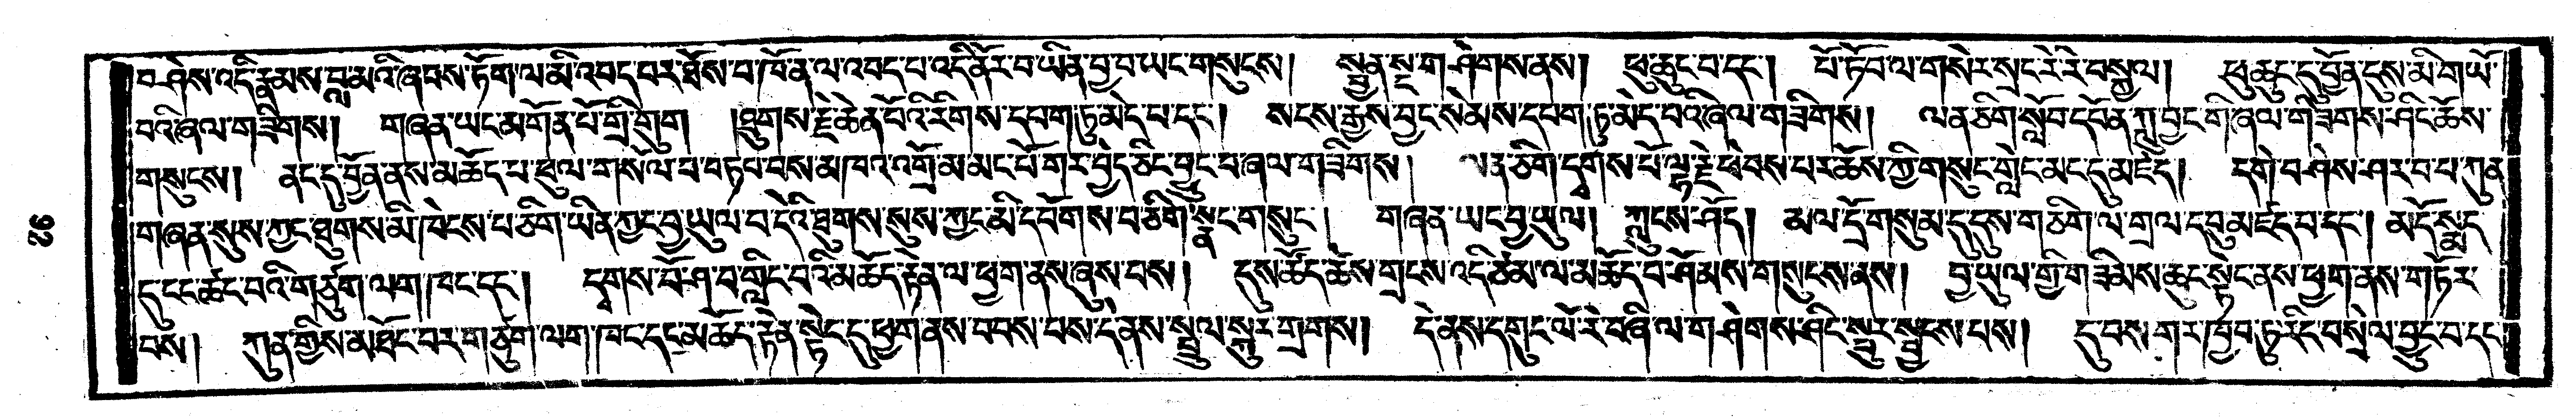བཤེས་འདི་རྣམས་བླ་མའི་ཞབས་ཏོག་ལ་མི་འབད་བར་ཐོས་པ་ཁོ་ན་ལ་འབད་པ་འདི་ནོར་བ་ཡིན་བྱ་བ་ཡང་གསུངས། སྤྱན་སྔ་གཤེགས་ནས། ཕུ་ཆུང་བ་དང་། པོ་ཏོ་བ་ལ་གསེར་སྲང་རེ་རེ་བསྐྱལ། ཕུ་ཆུང་དུ་བྱོན་དུས་མི་གཡོ་
བའི་ཞལ་གཟིགས། གཞན་ཡང་མགོན་པོ་གྲི་གུག །ཐུགས་རྗེ་ཆེན་པོའི་རིགས་དཔག་ཏུ་མེད་པ་དང་། སངས་རྒྱས་བྱང་སེམས་དཔག་ཏུ་མེད་པའི་ཞལ་གཟིགས། ལན་ཅིག་སློབ་དཔོན་ཀླུ་བྱང་གི་ཞལ་གཟིགས་ཤིང་ཆོས་
གསུངས། ནང་དུ་བྱོན་ནས་མཆོད་པ་ཕུལ་གསོལ་བ་བཏབ་པས་མཁའ་འགྲོ་མ་མང་པོ་གར་བྱེད་ཅིང་བྱུང་བ་ཞལ་གཟིགས། ལན་ཅིག་དྭགས་པོ་ལྷ་རྗེ་ཕེབས་པར་ཆོས་ཀྱི་གསུང་གླེང་མང་དུ་མཛད། དགེ་བཤེས་ཤར་བ་པ་ཀུན་
གཞན་སུས་ཀྱང་ཐུགས་མི་ཁེངས་པ་ཅིག་ཡིན་ཀྱང་བྱ་ཡུལ་བ་དེའི་ཐུགས་སུས་ཀྱང་མི་དཔོགས་བ་ཅིག་སྣང་གསུང་། གཞན་ཡང་བྱ་ཡུལ། ཀླུངས་ཤོད། མལ་དྲོ་གསུམ་དུ་དུས་གཅིག་ལ་གྲལ་དབུ་མཛད་བ་དང་། མདོ་སྨད་
དུ་ངང་ཚང་བའི་གཙུག་ལག་ཁང་དང་། དྭགས་བོ་ཤ་བ་གླིང་བའི་མཆོད་རྟེན་ལ་ཕྱག་ནས་ཞུས་པས། དུས་ཚོད་ཆེས་གྲངས་འདི་ཙམ་ལ་མཆོད་བ་ཤོམས་གསུངས་ནས། བྱ་ཡུལ་གྱི་གཟིམས་ཆུང་སྟེང་ནས་ཕྱག་ནས་གཏོར་
བས། ཀུན་གྱིས་མཐོང་བར་གཙུག་ལག་ཁང་དང་མཆོད་རྟེན་སྟེང་དུ་ཕྱག་ནས་བབས་པས་དེ་ནས་སྤྲུལ་སྐུར་གྲགས། དེ་ནས་དགུང་ལོ་རེ་བཞི་ལ་གཤེགས་ཤིང་སྦུར་སྦྱངས་པས། དུ་བས་གར་ཁྱབ་ཏུ་རིང་བསྲེལ་བྱུང་བ་དང་